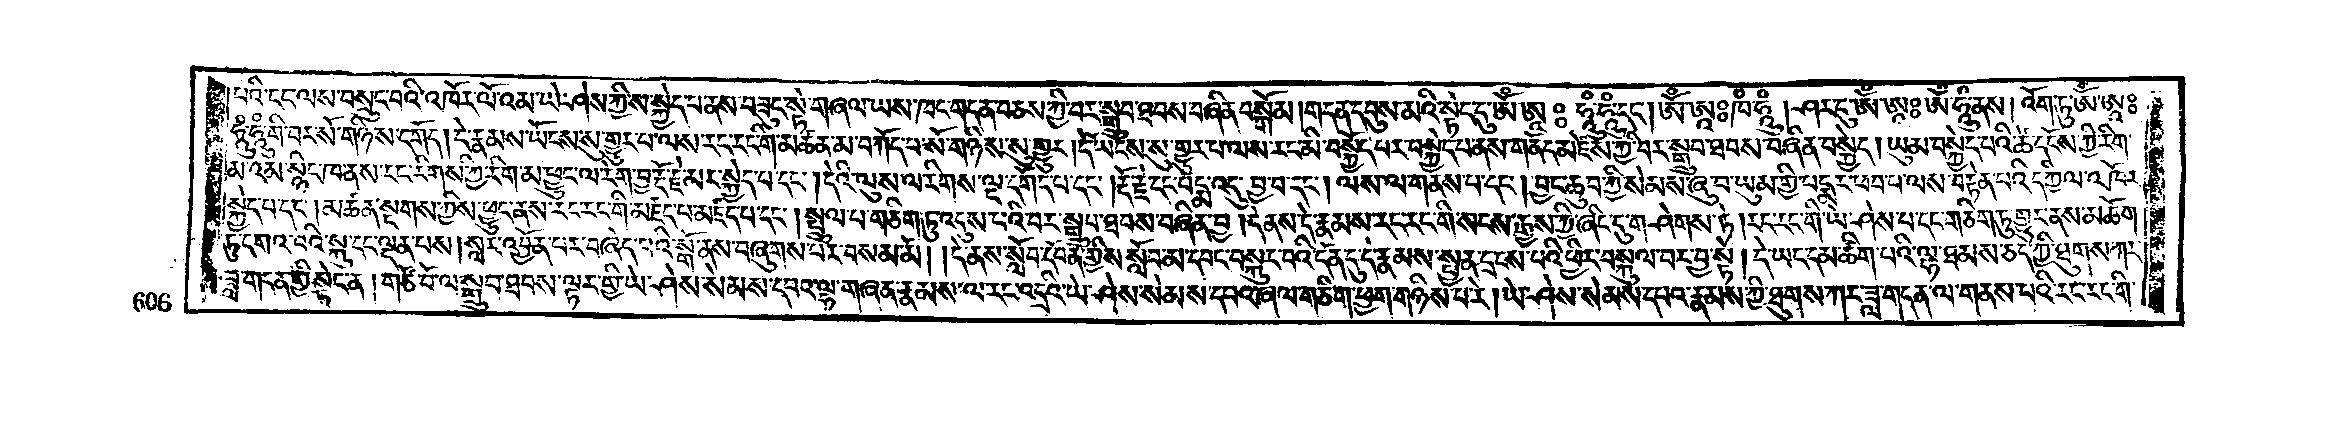པའི་ངང་ལས་བསྲུང་བའི་འཁོར་ལོ་འམ་ཡེ་ཤེས་ཀྱི་ས་སྐྱེད་པ་ནས་བཟུང་སྟེ་གཞལ་ཡས་ཁང་གདན་བཅས་ཀྱི་བར་སྒྲུབ་ཐབས་བཞིན་བསྒོམ། གདན་དབུས་མའི་སྟེང་དུ་ཨོཾ་ཨཱཿ ཧཱུཾ་ཧཱུཾ་དང་། ཨོཾ་ཨཱཿ ཁཾ་ཧཱུཾ། ཤར་དུ་ཨོཾ་ཨཱཿ ཨོཾ་ཧཱུཾ་ནས། འོག་ཏུ་ཨོཾ་ཨཱཿ
ཧཱུཾ་ཧཱུཾ་གི་བར་སོ་གཉིས་དགོད། དེ་རྣམས་ཡོངས་སུ་གྱུར་པ་ལས་རང་རང་གི་མཚན་མ་བཀོད་པ་སོ་གཉིས་སུ་གྱུར། དེ་ཡོངས་སུ་གྱུར་པ་ལས་རང་མི་བསྐྱོད་པར་བསྐྱེད་པ་ནས་གནོད་མཛེས་ཀྱི་བར་སྒྲུབ་ཐབས་བཞིན་བསྐྱེད། ཡུམ་བསྐྱེད་པའི་ཚེ་དངོས་ཀྱི་རིག་
མ་འམ་སྙིང་ཁ་ནས་རང་རིགས་ཀྱི་རིག་མ་ཕྱུང་ལ་རེག་བྱ་རྡོ་རྗེ་མར་སྐྱེད་པ་དང་། དེའི་ལུས་ལ་རིགས་ལྔ་དགོད་པ་དང་། རྡོ་རྗེ་དང་པདམ་འདུ་བྱ་བ་དང་། ལས་ལ་གནས་པ་དང་། བྱང་ཆུབ་ཀྱི་སེམས་ཞུ་བ་ཡུམ་གྱི་པདམར་ཕབ་པ་ལས་བརྟེན་པའི་དཀྱིལ་འཁོར་
སྐྱེད་པ་དང་། མཚན་སྔགས་ཀྱིས་ཕྱུང་ནས་རང་རང་གི་མཛད་པ་མཛད་པ་དང་། སྤྲུལ་པ་གཅིག་ཏུ་འདུས་པའི་བར་སྒྲུབ་ཐབས་བཞིན་བྱ། དེ་ནས་དེ་རྣམས་རང་རང་གི་སངས་རྒྱས་ཀྱི་ཞིང་དུ་གཤེགས་ཏེ། རང་རང་གི་ཡེ་ཤེས་པ་དང་གཅིག་ཏུ་གྱུར་ནས་མཆོག་
ཏུ་དགའ་བའི་སྐུ་དང་ལྡན་པས། སླར་འབྱོན་པར་བཞེད་པའི་སྒོ་ནས་བཞུགས་པར་བསམ་མོ། །དེ་ནས་སློབ་དཔོན་གྱིས་སློབ་མ་དབང་བསྐུར་བའི་དོན་དུ་དེ་རྣམས་སྤྱན་དྲངས་པའི་ཕྱིར་བསྐུལ་བར་བྱ་སྟེ། དེ་ཡང་དམ་ཚིག་པའི་ལྷ་ཐམས་ཅད་ཀྱི་ཐུགས་ཀར་
ཟླ་གདན་གྱི་སྟེང་ན། གཙོ་བོ་ལ་སྒྲུབ་ཐབས་ལྟར་གྱི་ཡེ་ཤེས་སེམས་དཔའ་ལྷ་གཞན་རྣམས་ལ་རང་འདྲའི་ཡེ་ཤེས་སེམས་དཔའ་ཞལ་གཅིག་ཕྱག་གཉིས་པ་རེ། ཡེ་ཤེས་སེམས་དཔའ་རྣམས་ཀྱི་ཐུགས་ཀར་ཟླ་གདན་ལ་གནས་པའི་རང་རང་གི་